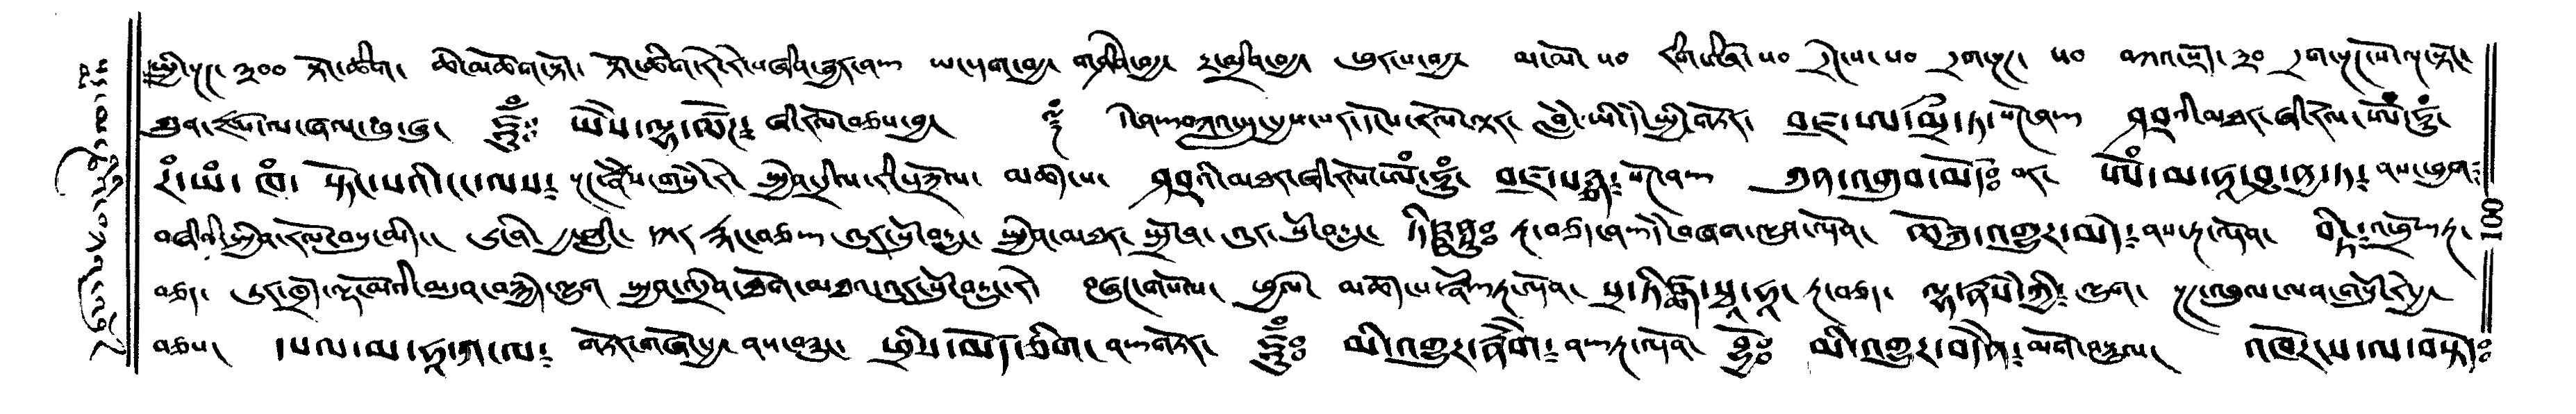སྤྱི་སྔགས་སུམ་བརྒྱ། སྟོང་ཚིག ཆེ་མཆོག་སྟོང་། སྟོང་ཚིག་རེ་རེ་བཞིན་སྦྱར་ནས། ཡང་དག་བརྒྱ། གཤིན་རྗེ་བརྒྱ། རྟ་མགྲིན་བརྒྱ། ཕུར་པ་བརྒྱ། མ་མོ། ལྔ་བཅུ། རིག་འཛིན། ལྔ་བཅུ། དྲེགས་སྔགས། ལྔ་བཅུ། བཀའ་སྡོད། སུམ་བཅུ། དྲག་སྔགས་སོ་ལྔ་སྟོང་། 
ཐུན་རྫས་ལ་ཞལ་ཕུ་ཞུ། ཧཱུྃ༔ ཡེ་ཤེས་ལྷ་ཚོགས༴ ཞི་རོལ་བཅས་བྱ། ༈ དེ་ནས་བཀའ་སྲུང་རྒྱས་པར་དངོས་རོལ་ལྟར། བླ་མ་ཡི་དམ་སྤྱི་གཏོར། བཛྲ་ཨ་མྲྀ་ཏ་སོགས་ནས། ཤབྡའི་མཐར་ཞི་རོལ་ཨོཾ་ཧྃའུ་མ།
རྃ་ཡྃ་ཁྃ། སྟོང་པའི་ངང་ལས༴ སྔགས་རྣམས་གསུམ་རེ། སྤྱན་འདྲེན་དྲིལ་རིང་དཀྲོལ། མཆོད་པ། ཤབྡ འི་མཐར་ཞི་རོལ་ཨོཾ་ཧཱུྃ་མ། བཛྲ་པཉྩ༴ སོགས་ནས། ཀུན་འགྲུབ་མཛོད༔ བར། ཨོཾ་མ་ཧཱ་ཤུ་ནྱ་ཏ༴ ནས་ཕྱག་
བཞིའི་སྤྱན་འདྲེན་རོལ་བསུ་མེད། དུང་ཆེན། རྒྱ་གླིང་། དཀར། རྐང་བཅས། འུར་སུམ་རྡུང་། སྤྱན་འདྲེན་མཐར། སྤྲོ་ན། འུར་སུམ་རྡུང་། ཏིཥྛནྟུཿ རྔ་གཅད་ནས་དམ་བཞག་ལྷུག་འདོན། ཆོས་སྐུ་འགྱུར་མེད༴ ནས་རྔ་འདོན། བི་ཏ༴ འཕྲོས་རྔ་
གཅད། དུར་ཁྲོད་ལྷ་མོའི་མདུན་སྐྱེད་ལྷུག སྤྱན་འདྲེན་ཐོག་མཐའ་འུར་སུམ་རྡུང་རེ། བཞུགས་གསོལ། ཕྱག་འཚལ། མཆོད་པ་རྣམས་རྔ་འདོན། པྲ་ཏིཙྪ་སྭ་ཧཱ། རྔ་གཅད། ལྷ་རྣམས་ཀྱི༴ ལྷུག སྔགས་འབུལ་ལན་གསུམ་རེ་རྒྱ་
བཅས། དཔལ་མ་ཧཱ་ཀ་ལ༴ གཏོར་གཞོང་རྒྱ། མཆོད་འབྲུ་གཟུང་། ཕྲིན་ལས་མཛོད་ཅིག མཆོད་འབྲུ་གཏོར། ཧཱུྃ། མི་འགྱུར་རྣམ་དག༴ ནས་རྔ་འདོན། བྷྱོ། མི་འགྱུར་བེད་ཆེན་༴ འགོ་སྐུལ། འཁོར་དང་བཅས་ལ་བསྟོད།